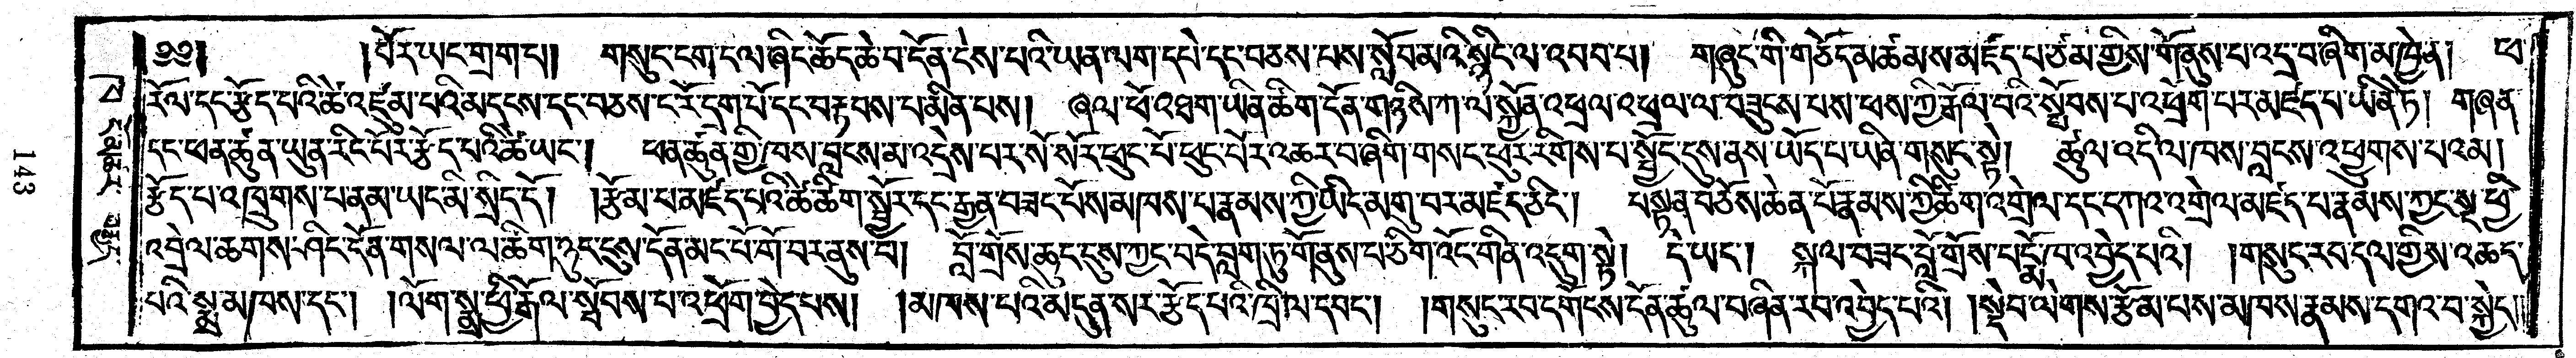༄༅། །པོར་ཡང་གྲག་པ། གསུང་ངག་ངལ་ཞིང་ཆོད་ཆེ་བ་དོན་ངེས་པའི་ཡན་ལག་དཔེ་དང་བཅས་པས་སློབ་མའི་སྙིང་ལ་འབབ་པ། གཞུང་གི་གཅོད་མཚམས་མཛད་པ་ཙམ་གྱིས་གོ་ནུས་པ་འདྲ་བ་ཞིག་མ་ཁྱེན། ཕ་
རོལ་དང་རྩོད་པའི་ཚེ་འཛུམ་པའི་མདངས་དང་བཅས་ངོར་དྲག་པོ་དང་བརྟབས་པ་མིན་པས། ཞལ་ཕོ་འཐག་ཡིན་ཚིག་དོན་གཉིས་ཀ་ལ་སྐྱོན་འཕྲལ་འཕྲལ་ལ་བཟུངས་པས་ཕས་ཀྱི་རྒོལ་བའི་སྤོབས་པ་འཕྲོག་པར་མཛད་པ་ཡིན་ཏེ། གཞན་
དང་ཕན་ཚུན་ཡུན་རིང་པོར་རྩོད་པའི་ཚེ་ཡང་། ཕན་ཚུན་གྱི་ཁས་བླངས་མ་འདྲེས་པར་སོ་སོར་ཕུང་པོ་ཕུང་པོར་འཆར་བ་ཞིག་གསང་ཕུར་རིགས་པ་སྦྱོང་དུས་ནས་ཡོད་པ་ཡིན་གསུང་སྟེ། ཚུལ་འདི་ལ་ཁས་བླངས་འཕྱུགས་པའམ།
རྩོད་པ་འཁྲུགས་པ་ནམ་ཡང་མི་སྲིད་དོ། །རྩོམ་པ་མཛད་པའི་ཚེ་ཚིག་སྦྱོར་དང་རྒྱན་བཟང་པོས་མཁས་པ་རྣམས་ཀྱི་ཡིད་མགུ་བར་མཛད་ཅིང་། བསྟན་བཅོས་ཆེན་པོ་རྣམས་ཀྱི་ཚིག་འགྲེལ་དང་དཀའ་འགྲེལ་མཛད་པ་རྣམས་ཀྱང་སྔ་ཕྱི་
འབྲེལ་ཆགས་ཤིང་དོན་གསལ་ལ་ཚིག་ཉུང་དུས་དོན་མང་པོ་གོ་བར་ནུས་བ། བློ་གྲོས་ཆུང་དུས་ཀྱང་བདེ་བླག་ཏུ་གོ་ནུས་པ་ཅིག་འོང་གིན་འདུག་སྟེ། དེ་ཡང་། སྐལ་བཟང་བློ་གྲོས་པདམོ་ཁ་འབྱེད་པའི། །གསུང་རབ་དལ་གྱིས་འཆད་
པའི་སྨྲ་མཁས་དང་། །ལོག་སྨྲ་ཕྱི་རྒོལ་སྦོབས་པ་འཕྲོག་བྱེད་པས། །མཁས་པའི་མདུན་སར་རྩོད་པའི་ཁྲིལ་དབང་། །གསུང་རབ་དགོངས་དོན་ཚུལ་བཞིན་རབ་འབྱེད་པའི། །སྡེབ་ལེགས་རྩོམ་པས་མཁས་རྣམས་དགའ་བ་སྐྱེད།